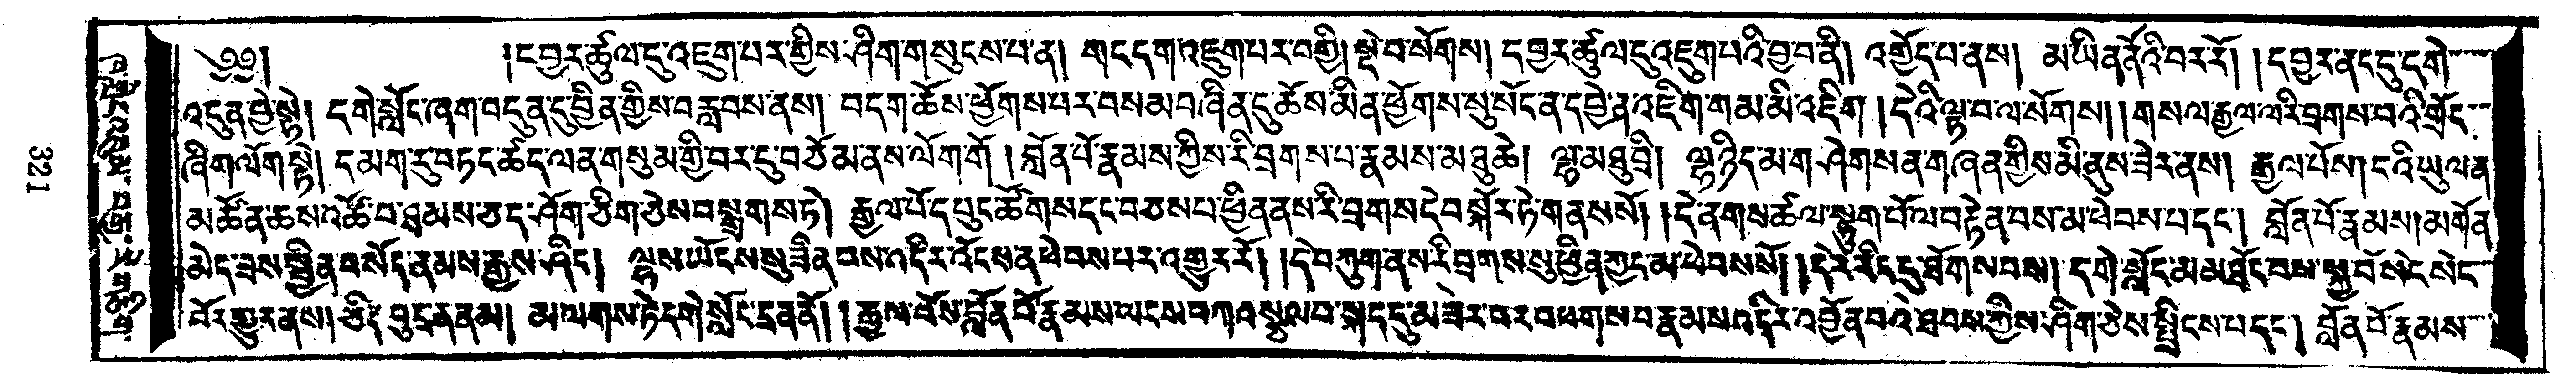༄༅། །དབྱར་ཚུལ་དུ་འཇུག་པར་གྱིས་ཤིག་གསུངས་པ་ན། གང་དག་འཇུག་པར་བགྱི། སྡེ་བ་སོགས། དབྱར་ཚུལ་དུ་འཇུག་པའི་བྱ་བ་ནི། འགྱོད་པ་ནས། མ་ཡིན་ནོའི་བར་རོ། །དབྱར་ནང་དུ་དགེ་
འདུན་བྱེ་སྟེ། དགེ་སློང་ཞག་བདུན་དུ་བྱིན་གྱིས་བརླབས་ནས། བདག་ཆོས་ཕྱོགས་པར་བསམ་བཞིན་དུ་ཆོས་མིན་ཕྱོགས་སུ་སོང་ན་དབྱེ་ན་འཇིག་གམ་མི་འཇིག །དེའི་ལྟ་བ་ལ་སོགས། །གསལ་རྒྱལ་ལ་རི་བྲགས་པའི་གྲོང་
ཞིག་ལོག་སྟེ། དམག་རུ་བཏང་ཚད་ལན་གསུམ་གྱི་བར་དུ་བཅོམ་ནས་ལོག་གོ །བློན་པོ་རྣམས་ཀྱིས་རི་བྲགས་པ་རྣམས་མཐུ་ཆེ། ལྷ་མཐུ་བྲི། ལྷ་ཉིད་མ་གཤེགས་ན་གཞན་གྱིས་མི་ནུས་ཟེར་ནས། རྒྱལ་པོས། ངའི་ཡུལ་ན་
མཚོན་ཆས་འཚོ་བ་ཐམས་ཅད་ཤོག་ཅིག་ཅེས་བསྒྲགས་ཏེ། རྒྱལ་པོ་དཔུང་ཚོགས་དང་བཅས་པ་ཕྱིན་ནས་རི་བྲགས་དེ་བསྐོར་ཏེ་གནས་སོ། །དེ་ནགས་ཚུལ་སྟུག་པོ་ལ་བརྟེན་པས་མ་ཕེབས་པ་དང་། བློན་པོ་རྣམས། མགོན་
མེད་ཟས་སྦྱིན་བསོད་ནམས་རྒྱས་ཤིང་། ལྷས་ཡོངས་སུ་ཟིན་པས་འདིར་འོངས་ན་ཕེབས་པར་འགྱུར་རོ། །དེ་བཀུག་ནས་རི་བྲགས་སུ་ཕྱིན་ཀྱང་མ་ཕེབས་སོ། །དེར་རིང་དུ་ཐོགས་པས། དགེ་སློང་མ་མཐོང་བས་སྐྱ་བོ་སེང་སེང་
བོར་གྱུར་ནས། ཅི༑ བུ་དྲན་ནམ། མ་ལགས་ཏེ་དགེ་སློང་དྲན་ནོ། །རྒྱལ་པོས་བློན་པོ་རྣམས་ལངས་བཀའ་སྩལ་བ་སྐད་དུ་མ་ཟེར་བར་འཕགས་པ་རྣམས་འདིར་འབྱོན་པའི་ཐབས་ཀྱིས་ཤིག་ཅེས་སྤྲིངས་པ་དང་། བློན་པོ་རྣམས་